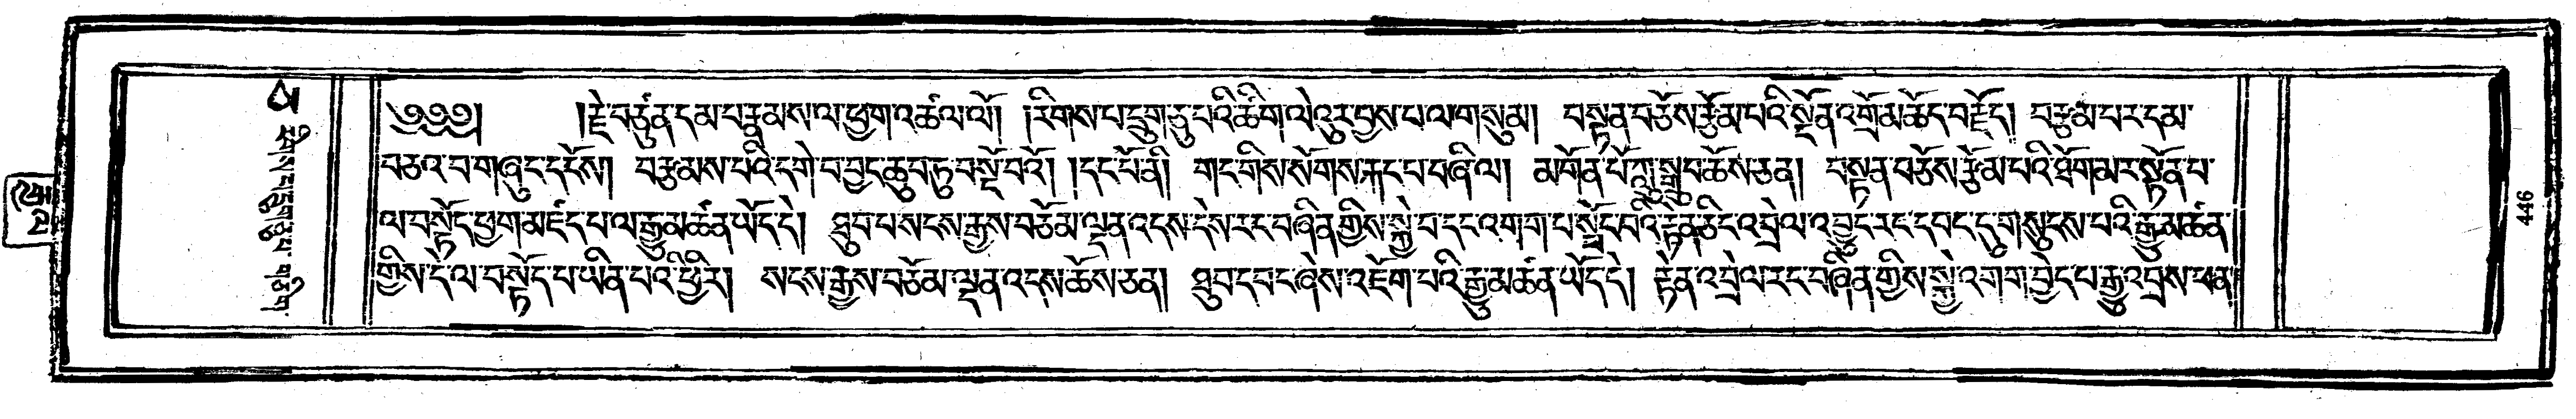༄༅༅། །རྗེ་བཙུན་དམ་པ་རྣམས་ལ་ཕྱག་འཚལ་ལོ། །རིགས་པ་དྲུག་ཅུ་པའི་ཚིག་ལེའུར་བྱས་པ་ལ་གསུམ། བསྟན་བཅོས་རྩོམ་པའི་སྔོན་འགྲོ་མཆོད་བརྗོད། བརྩམ་པར་དམ་
བཅའ་བ་གཞུང་དངོས། བརྩམས་པའི་དགེ་བ་བྱང་ཆུབ་ཏུ་བསྔོ་བའོ། །དང་པོ་ནི། གང་གིས་སོགས་རྐང་པ་བཞི་ལ། མགོན་པོ་ཀླུ་སྒྲུབ་ཆོས་ཅན། བསྟན་བཅོས་རྩོམ་པའི་ཐོག་མར་སྟོན་པ་
ལ་བསྟོད་ཕྱག་མཛད་པ་ལ་རྒྱུ་མཚན་ཡོད་དེ། ཐུབ་པ་སངས་རྒྱས་བཅོམ་ལྡན་འདས་དེས་རང་བཞིན་གྱིས་སྐྱེ་བ་དང་འགག་པ་སྤོང་བའི་རྟེན་ཅིང་འབྲེལ་འབྱུང་རང་དབང་དུ་གསུངས་པའི་རྒྱུ་མཚན་
གྱིས་དེ་ལ་བསྟོད་པ་ཡིན་པའི་ཕྱིར། སངས་རྒྱས་བཅོམ་ལྡན་འདས་ཆོས་ཅན། ཐུབ་དབང་ཞེས་འཇོག་པའི་རྒྱུ་མཚན་ཡོད་དེ། རྟེན་འབྲེལ་རང་བཞིན་གྱིས་སྐྱེ་འགག་བྱེད་པ་རྒྱུ་འབྲས་ཕན་